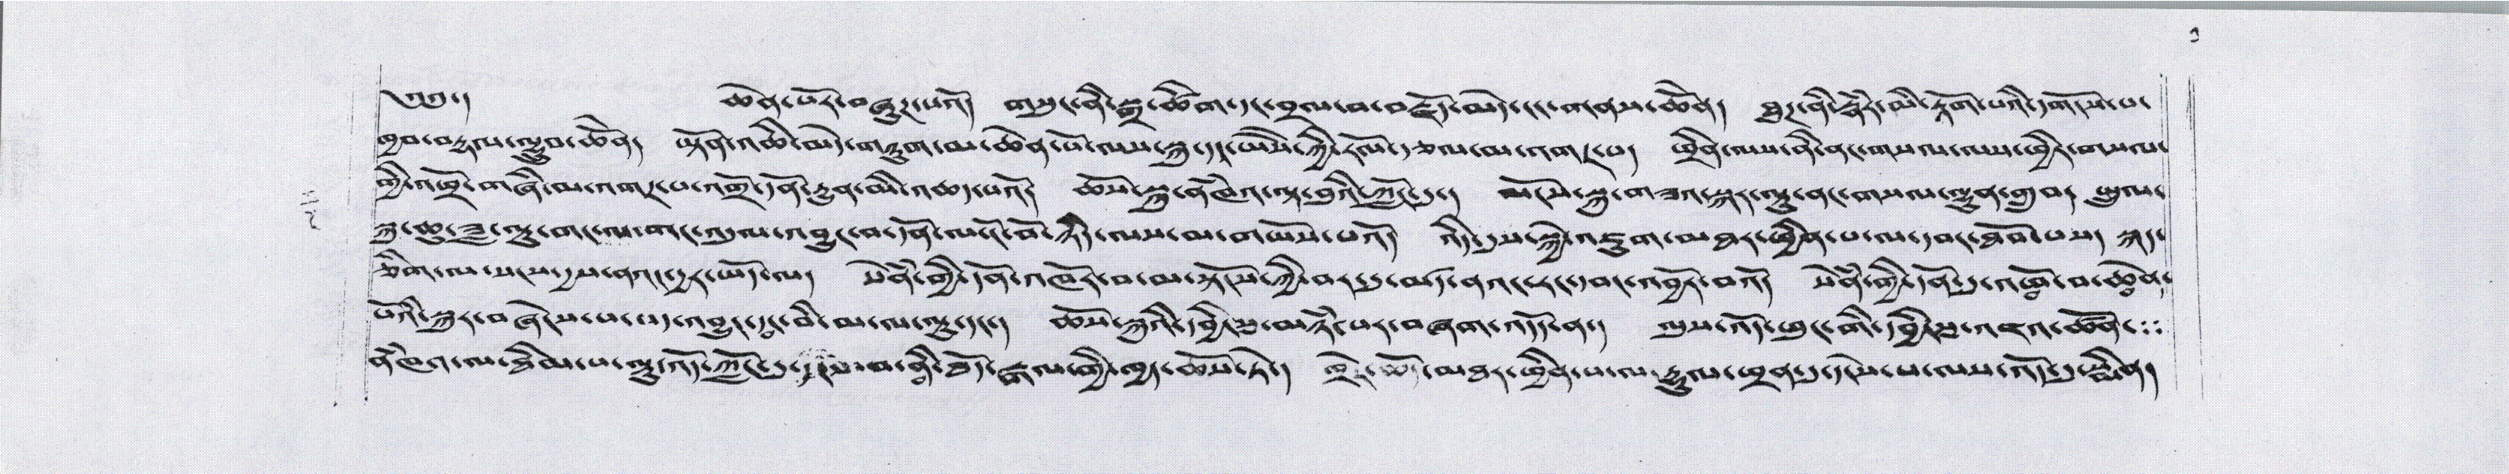ཆེན་པོར་བཞུགས་པའོ། གསུང་ནི་སྒྲ་ཚིག་དང་བྲལ་བ་བརྗོད་མེད་ངང་གནས་ཆེན་པོ། ཐུགས་ནི་རྣམ་པར་མི་རྟོག་པའི་དགོངས་པ་
ཁྱབ་བརྡལ་ལྷུན་གྲུབ་ཆེན་པོ། ཡོན་ཏན་འཆི་མེད་གཉུག་མ་ཆེན་པོ་ལས་སྐུ་དང་ཡེ་ཤེས་ཀྱི་རོལ་རྩལ་མ་འགག་པ། འཕྲིན་ལས་ནི་ནང་གསལ་ལས་ཕྱིར་གསལ་
གྱི་འཕྲོ་གཞི་མ་འགག་པ་འགྲོ་དོན་རྒྱུན་མི་འཆད་པའོ། ཆོས་སྐུ་ནམ་མཁའ་ལྟ་བུའི་ཀློང་དུ། ལོངས་སྐུ་གཟའ་སྐར་ལྟ་བུ་ནང་གསལ་ལྷུན་གྲུབ། སྤྲོུལ་
སྐུ་ཆུ་ཟླ་ལྟ་བུ་གང་ལ་གང་འདུལ་འབྱུང་བ་དོན་ལ་ངོ་བོ་ཉིད་ལས་མ་གཡོས་པའོ། འདི་དུས་སྐྱེ་འཇུག་མཐར་ཕྱིན་པ་ལ་དབང་ཐོབ་པས། སྐད་
ཅིག་ན་སངས་རྒྱས་ནའང་རྒྱར་ཡོད་ལ། སེམས་ཅན་གྱི་དོན་འཁོར་བ་མ་སྟོངས་བར་དུ་མཛད་ནའང་རང་དབང་འབྱོར་བའོ། སེམས་ཅན་གྱི་དོན་དུ་འཕོ་བ་ཆེན་
པོའི་སྐུར་བཞེངས་པ་པད་འབྱུང་དང་བི་མ་ལ་ལྟ་བུ་དང་། ཆོས་སྐུའི་དབྱིངས་སུ་མཉམ་པར་བཞག་འདོད་ན། ལུས་འོད་ཕུང་གི་དབྱིངས་སུ་འཇའ་ཚོན་
ནམ་མཁའ་ལ་ཐིམ་པ་ལྟ་བུ་འོད་ཀློང་དུ་དེངས་པ་ནི་ཐོད་རྒལ་གྱི་ཁྱད་ཆོས་སོ། ཁྲེག་ཆོད་མཐར་ཕྱིན་པ་ལས་རྡུལ་ཕྲན་དུ་དེངས་པ་ལས་འོད་དུ་སྨིན་